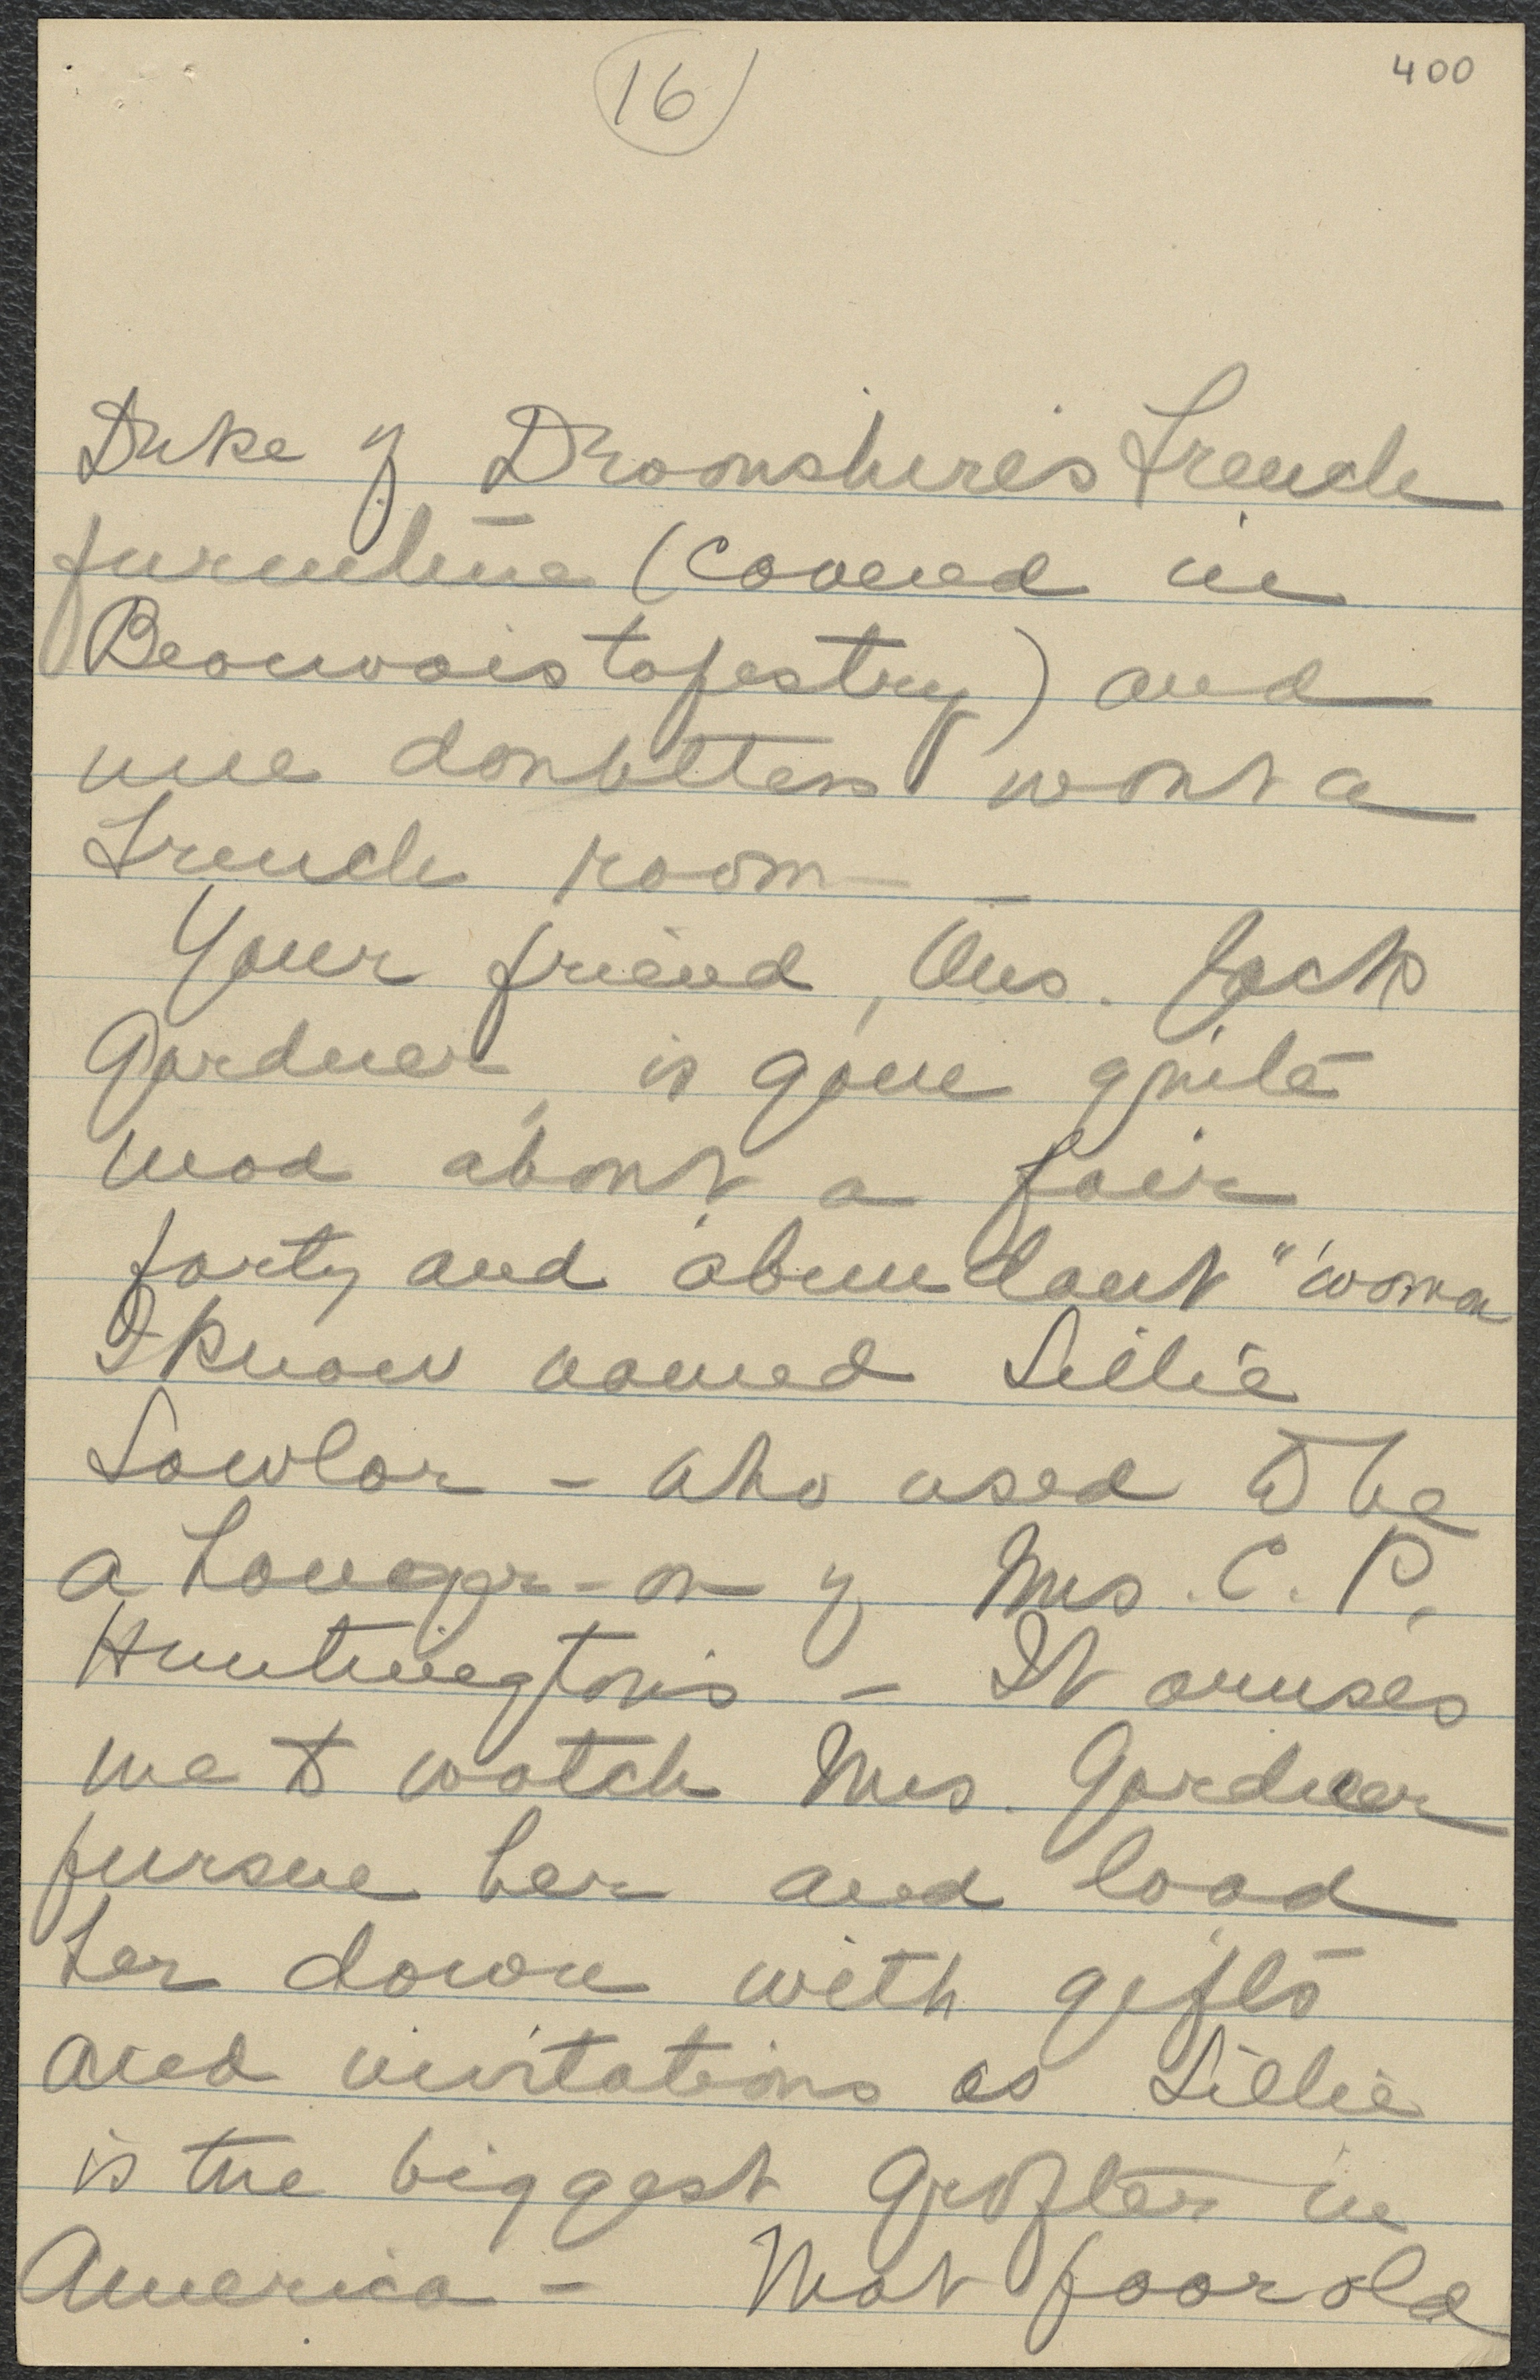Duke of Devonshire’s French furniture (covered in Beauvois tapestry) and will doubtless want a French room –
Your friend, Mrs. Jack Gardner, is gone quite mad about a fair forty and abundant woman I know named Lillie Lawlor – who used to be a lawyer – one of Mrs. C.P. Huntington’s – It amuses me to watch Mrs. Gardener pursue her and load her down with gifts and invitations as Lillie is the biggest grafter in America – That poor old